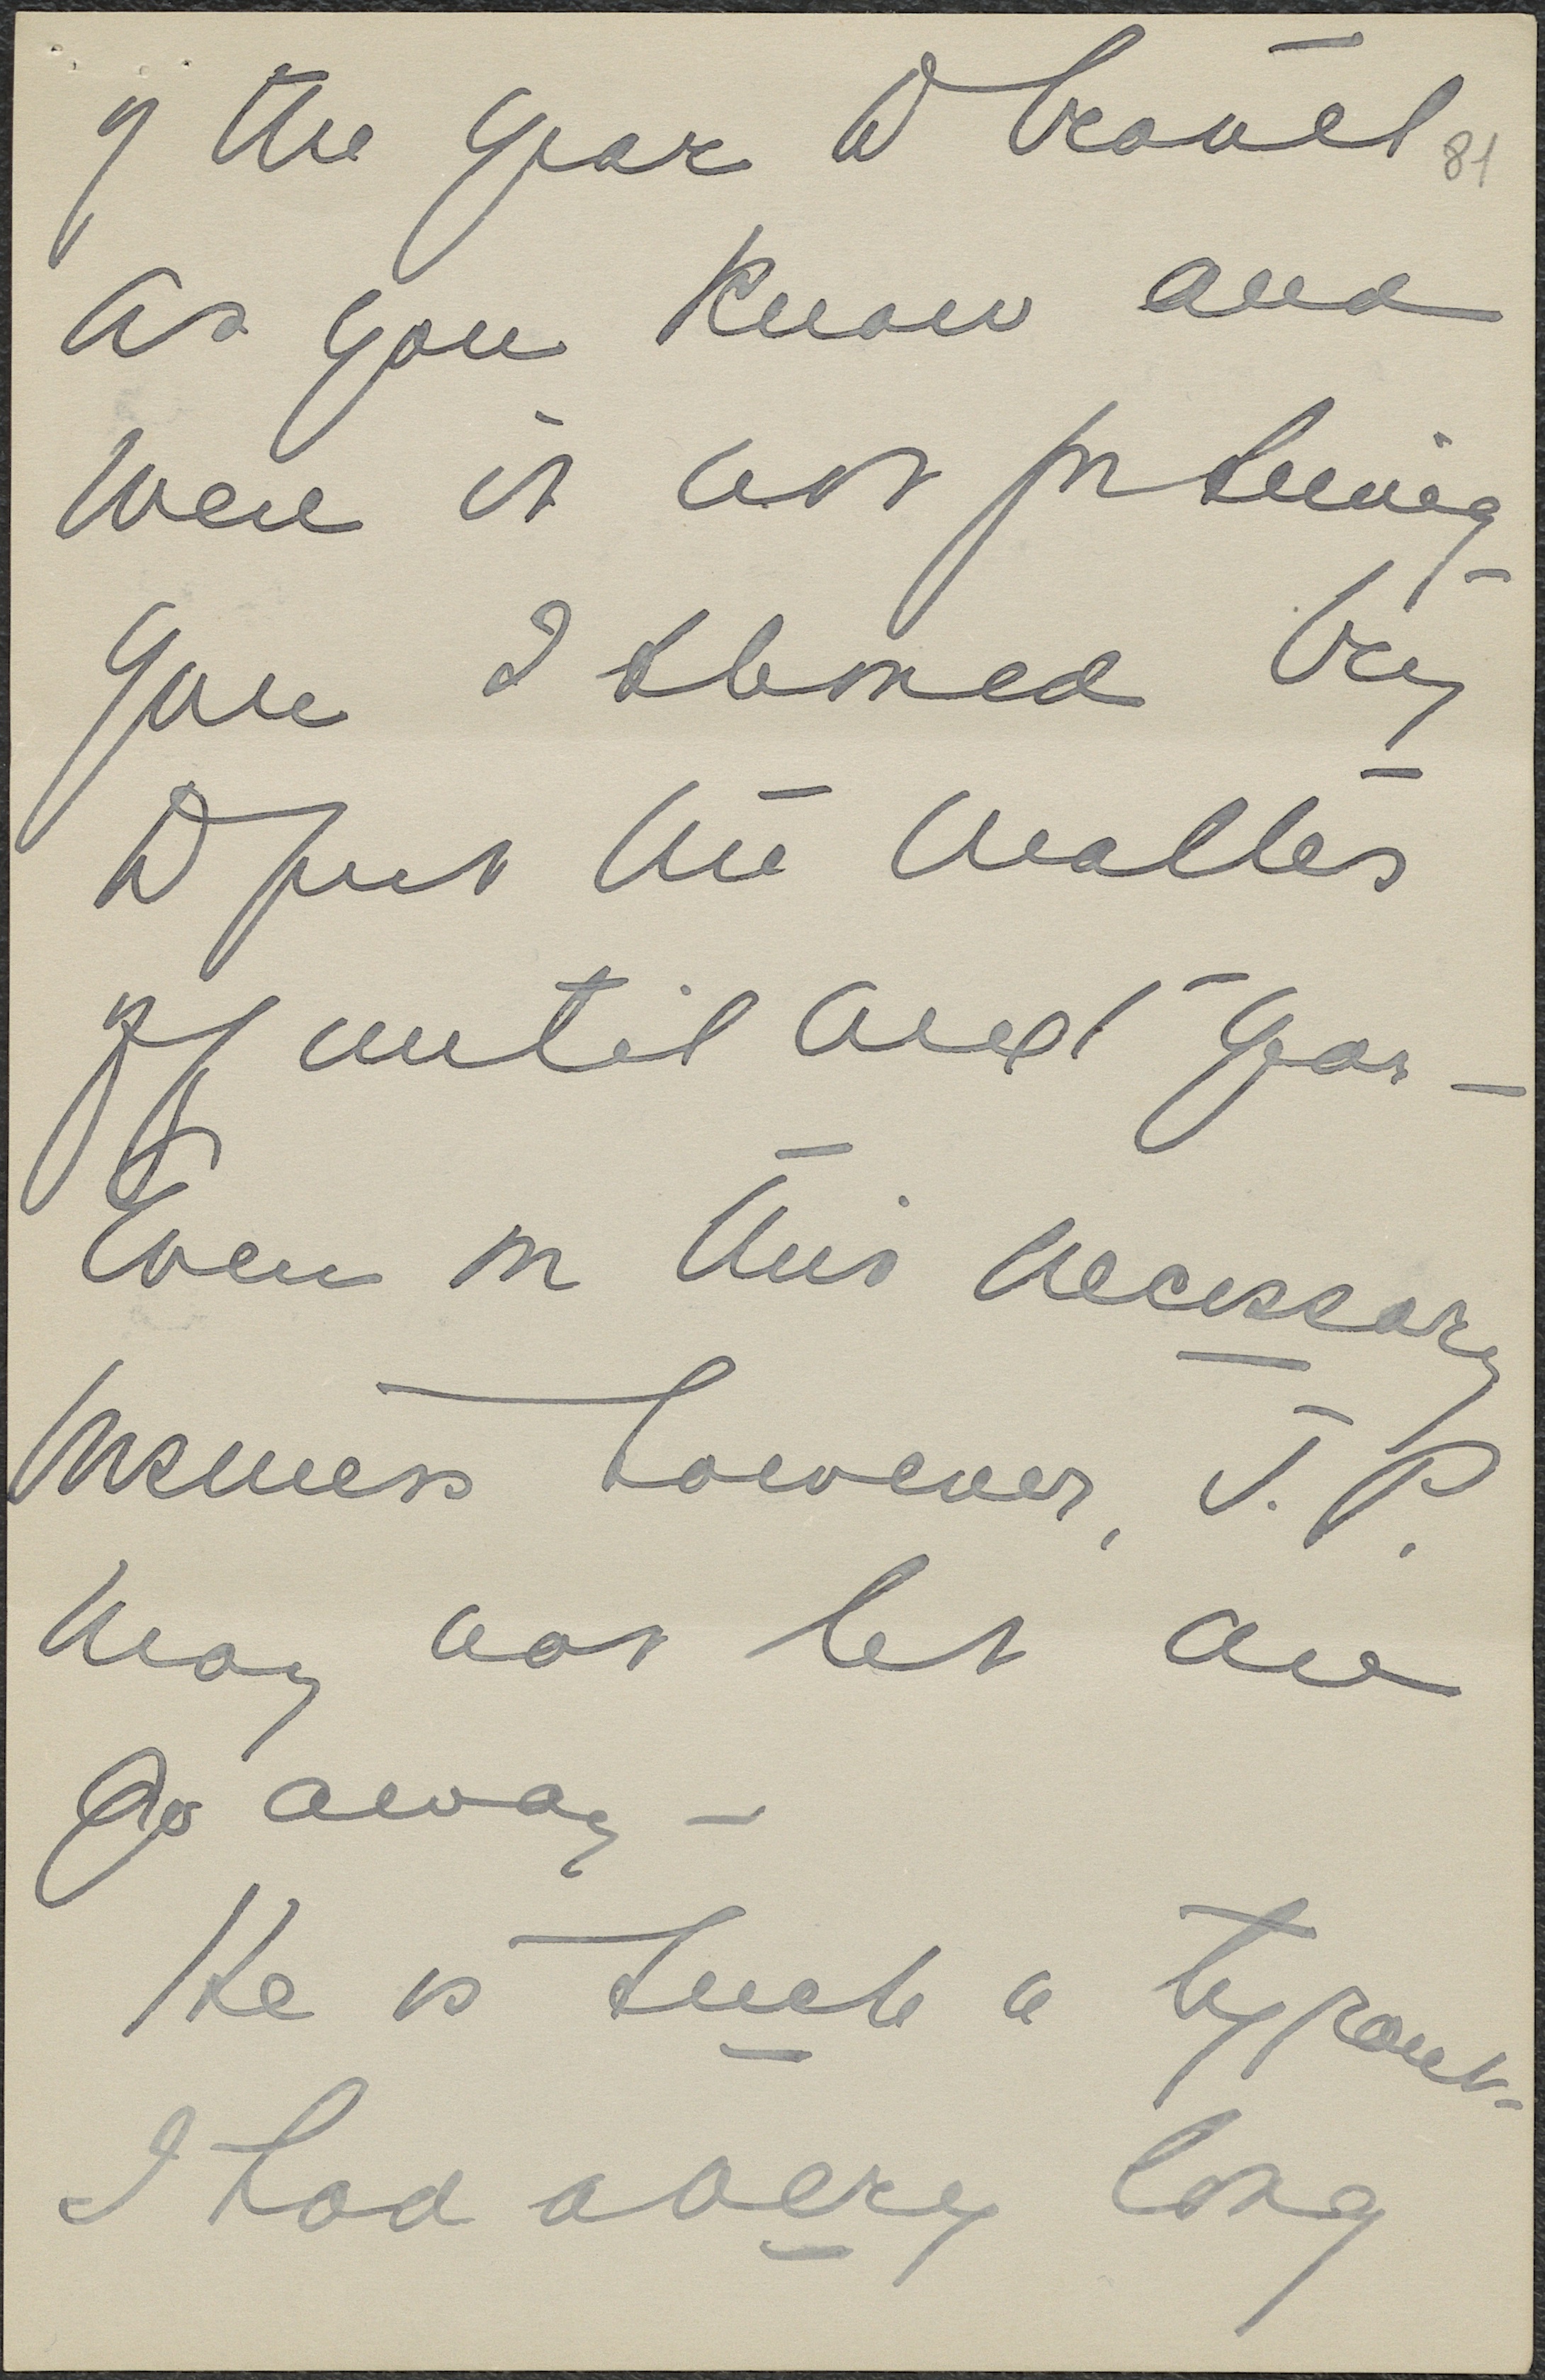of the year to travel as you know and were it not for seeing you I should try to put the matter off until next year – Even on this necessary business however, J. P. may not let me go away –
He is such a tyrant – I had a very long